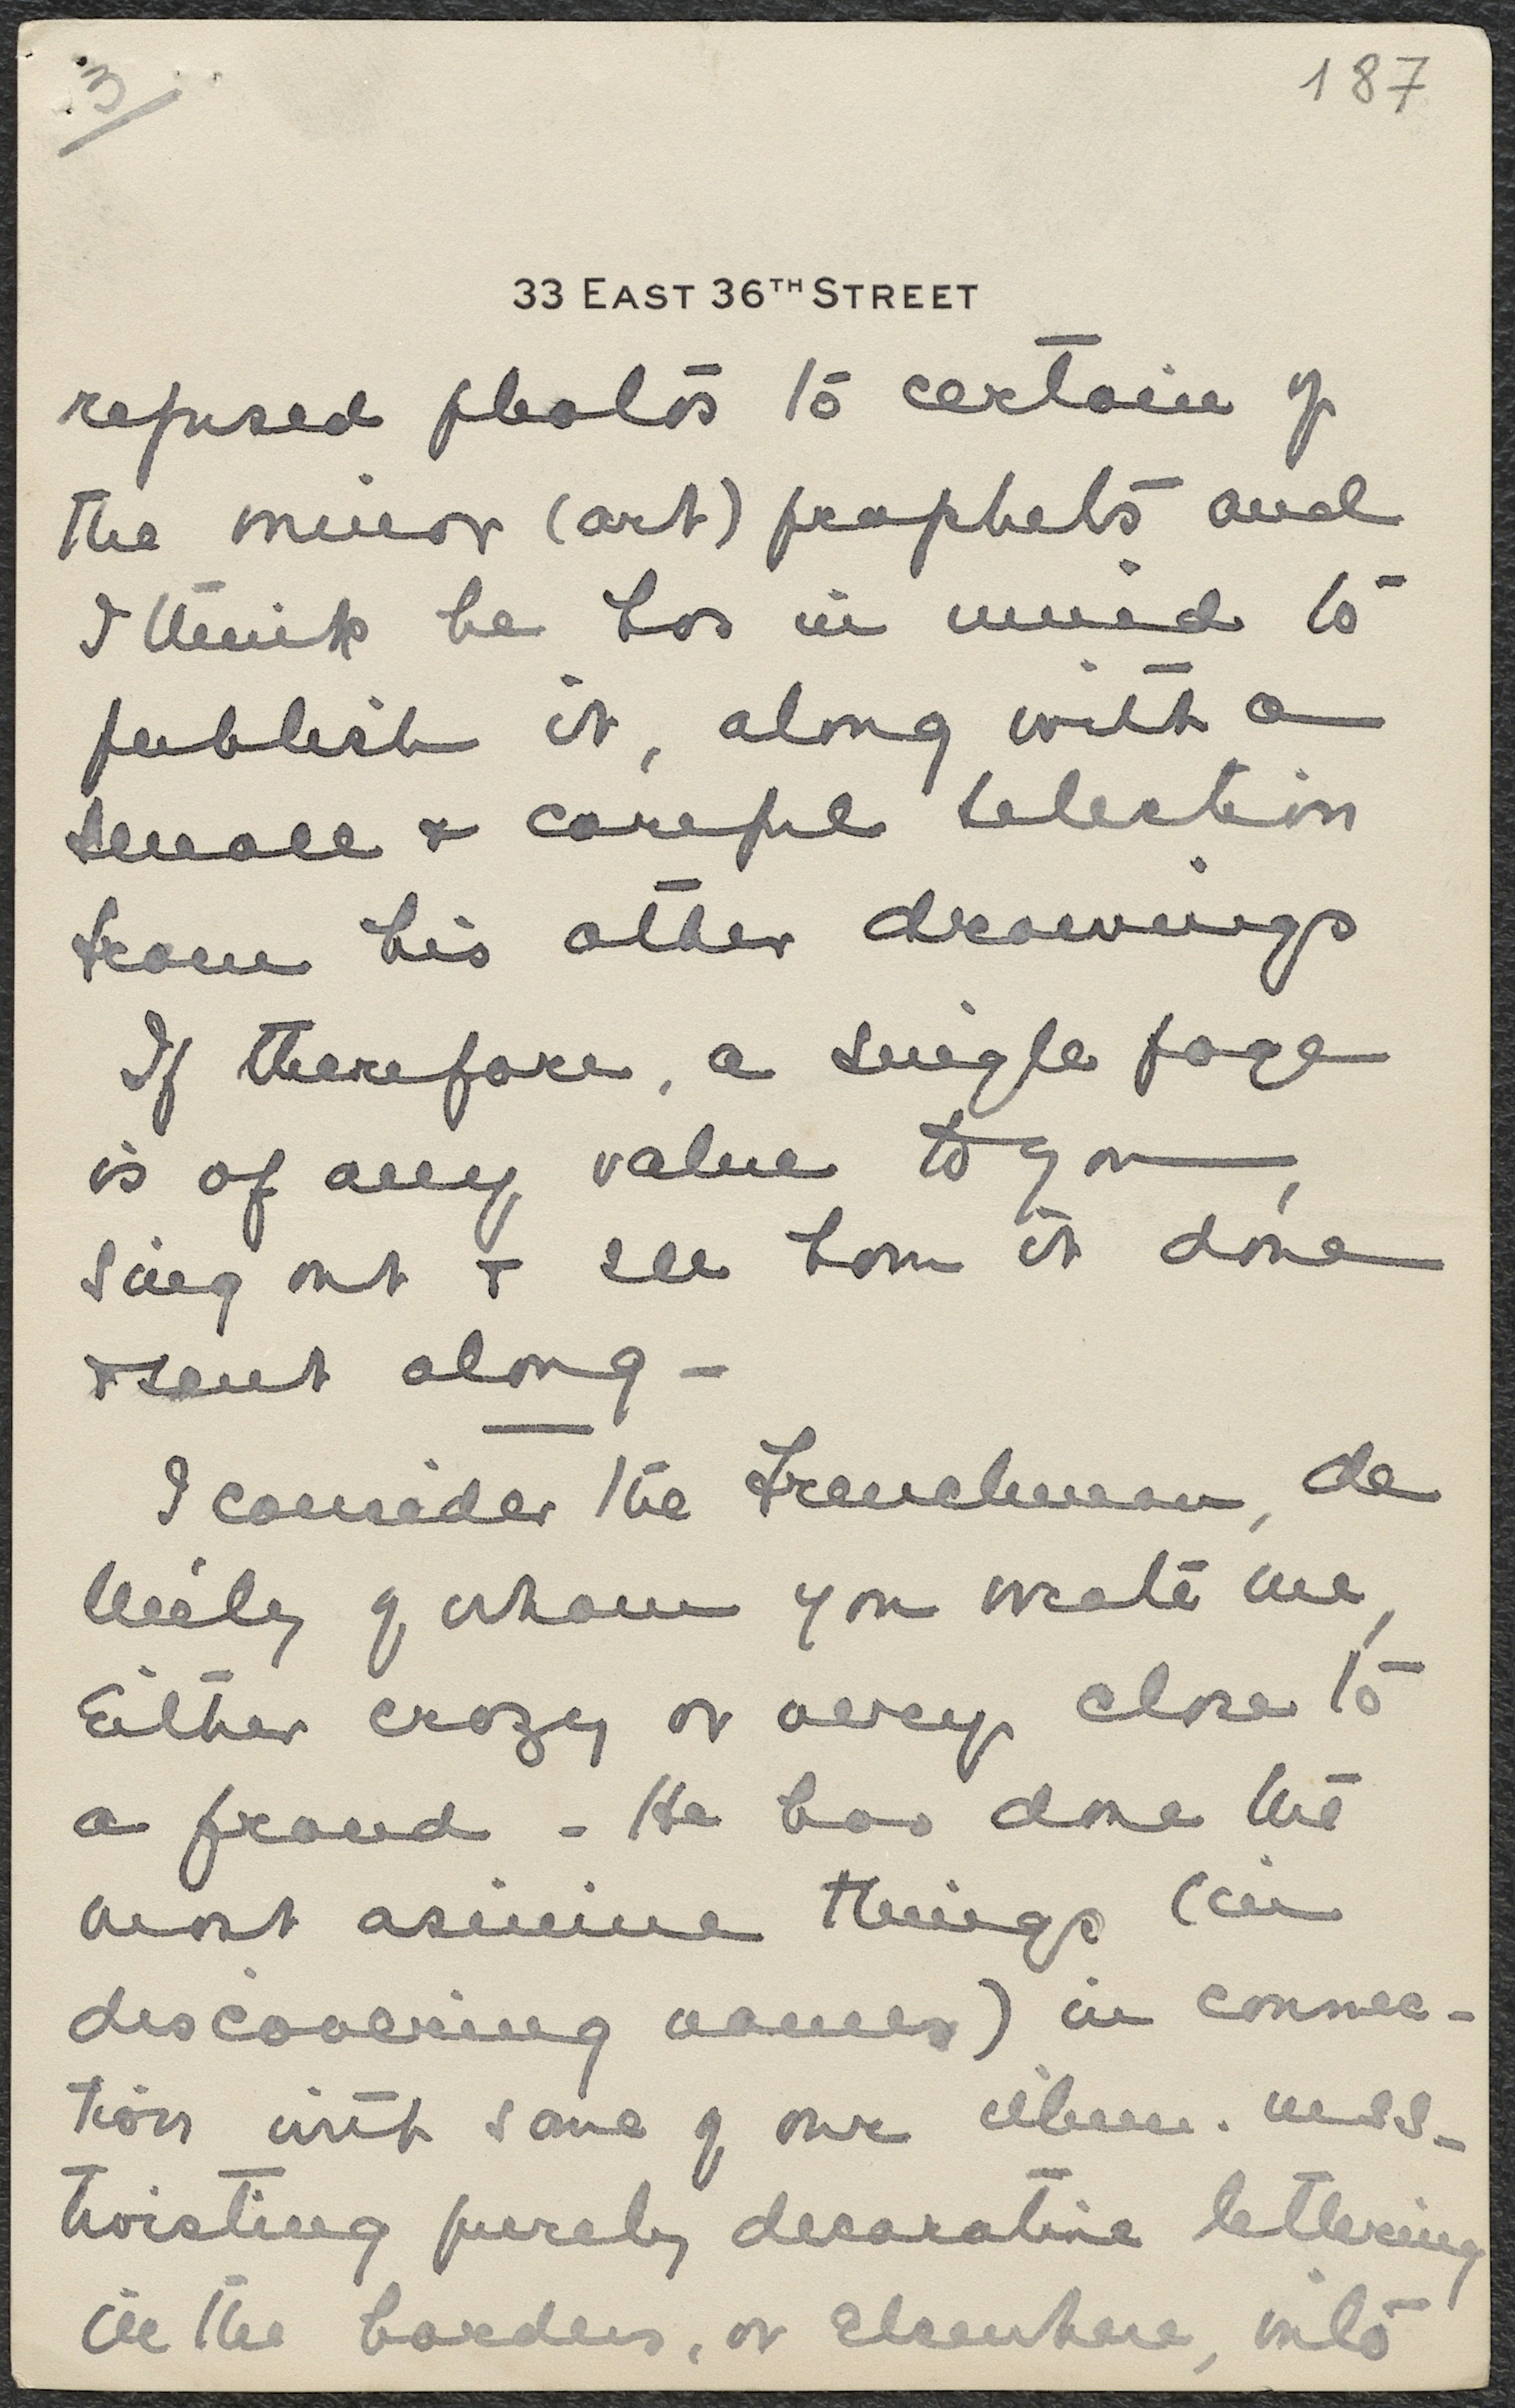3
refused photos to certain of the minor (art) prophets and I think he has in mind to publish it, along with a small & careful selection from his other drawings
If therefore, a single page is of any value to you, sing out & Ill have it done & sent along –
I consider the Frenchman, de Wily of whom you wrote me, either crazy or very close to a fraud – He has done the most asinine things (in discovering names) in connection with some of our illum. MSS – twisting purely decorative lettering in the borders, or elsewhere, into